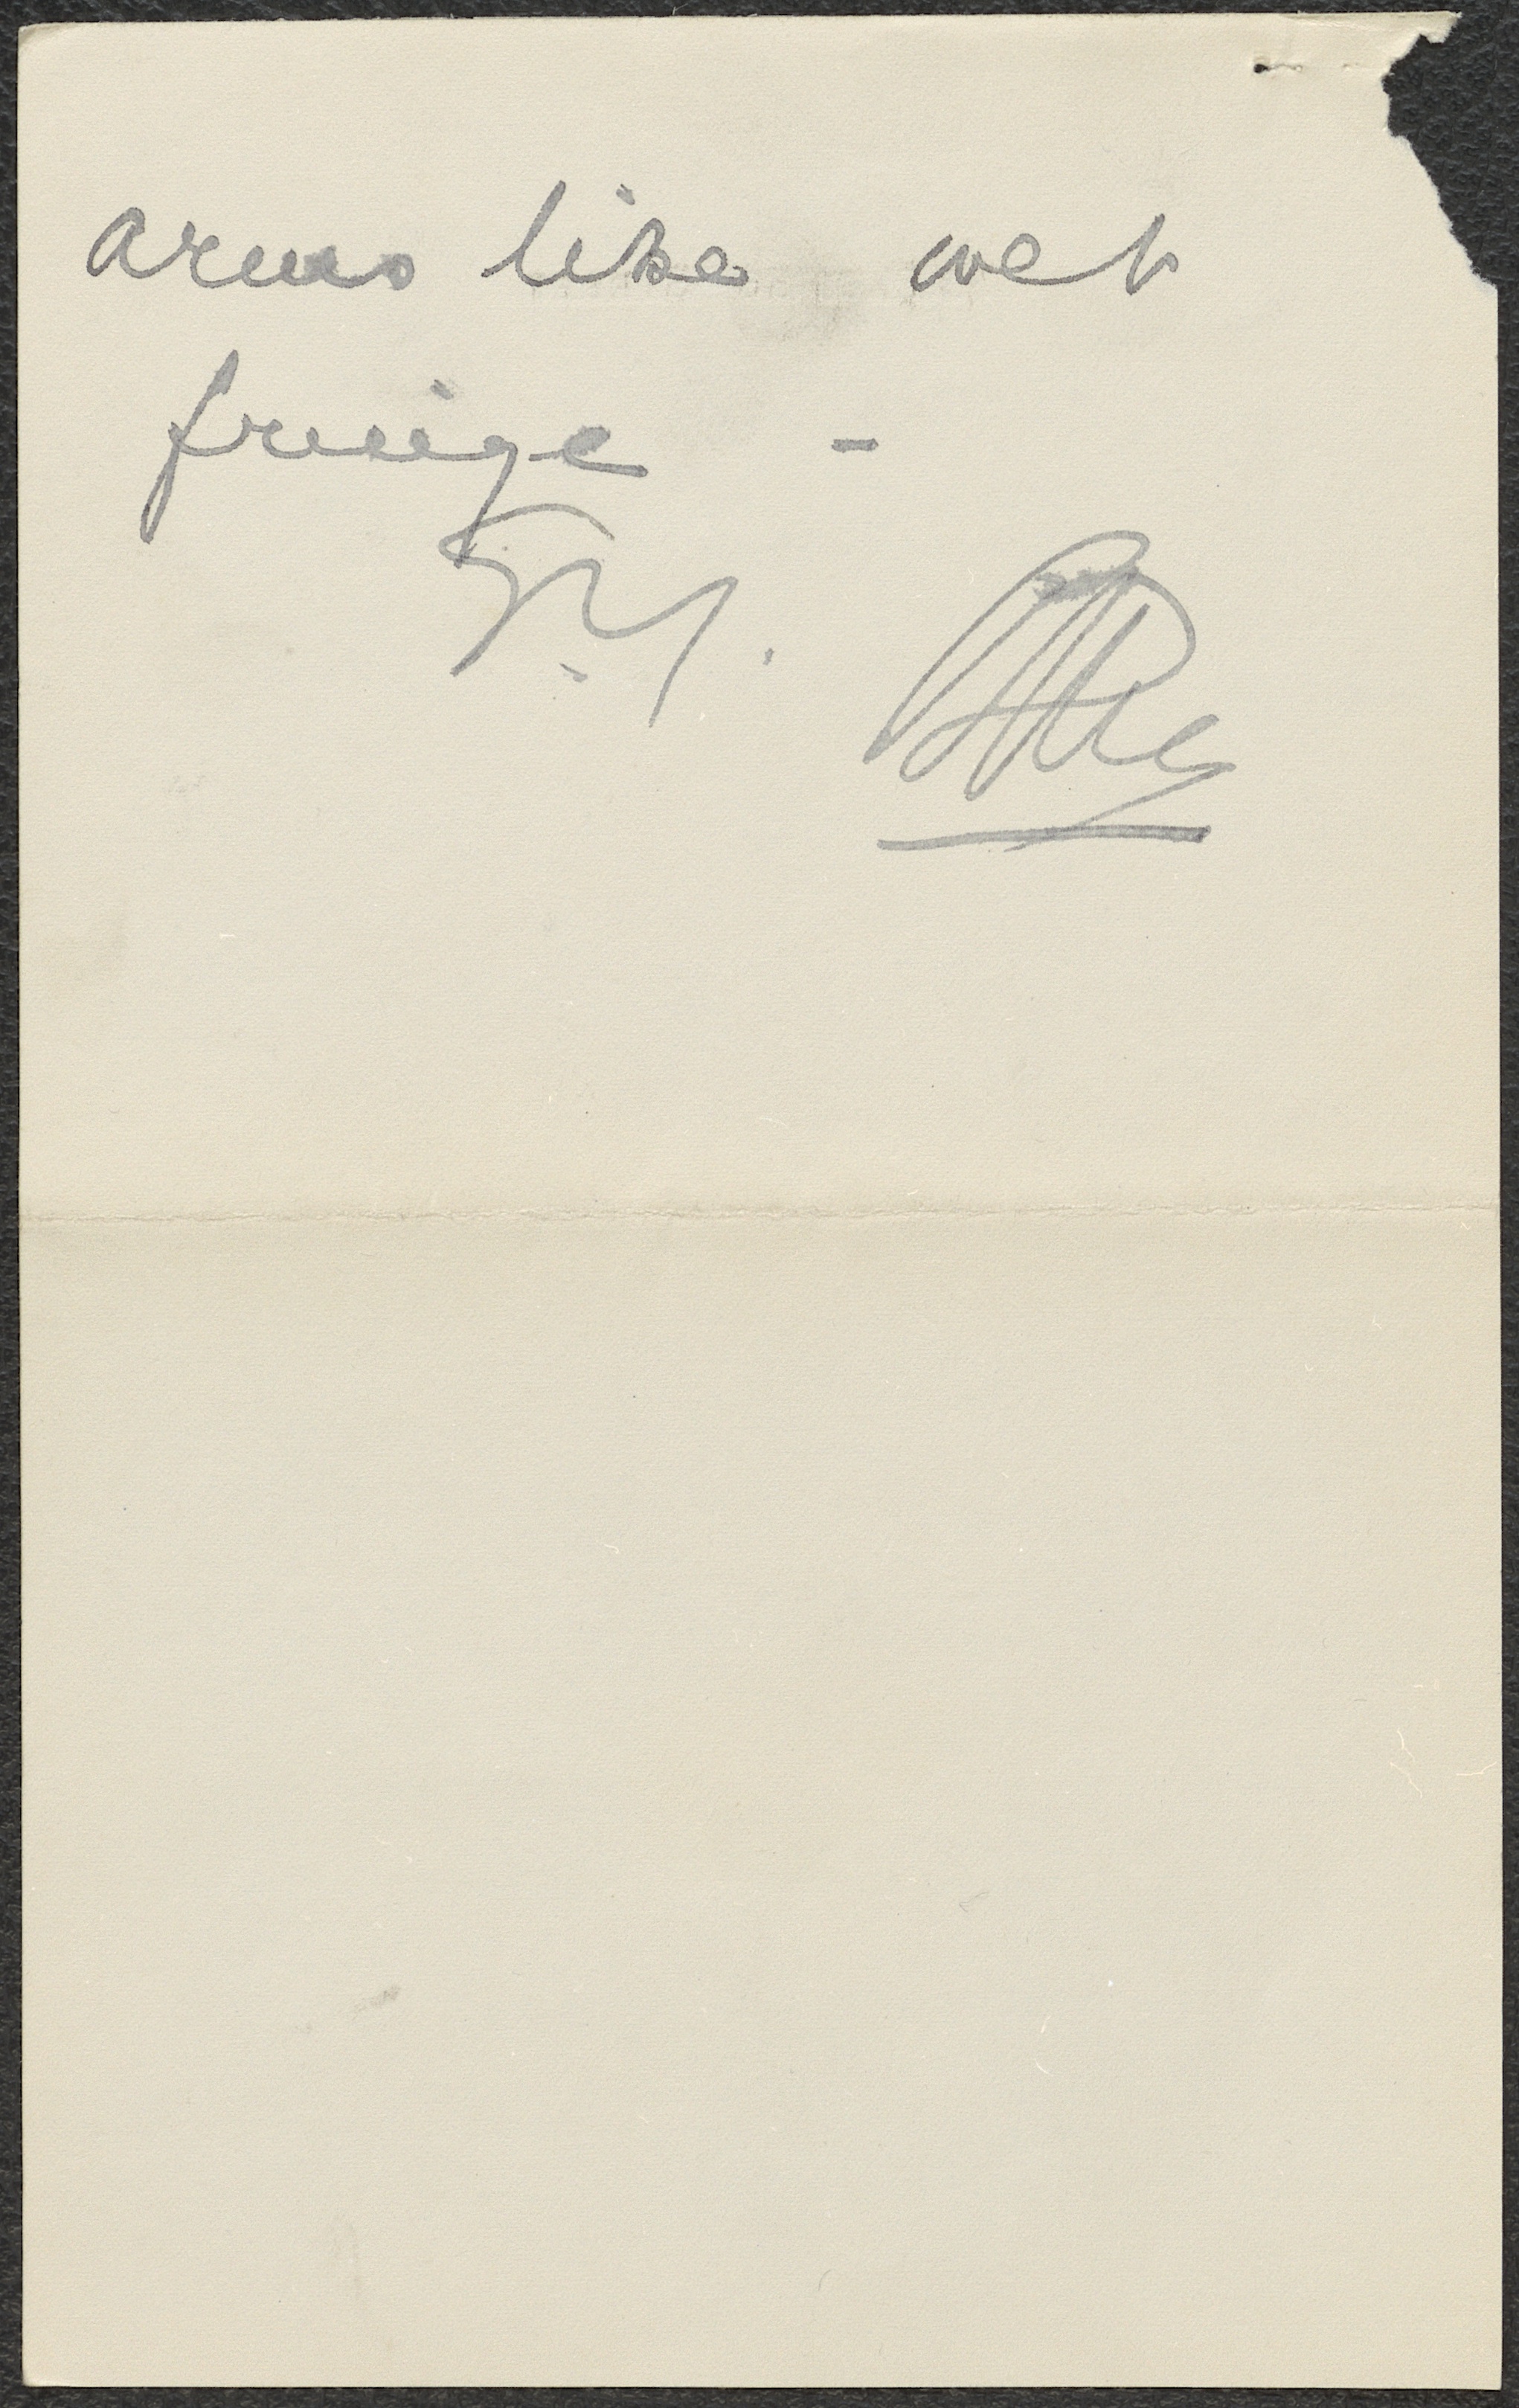arms like wet fringe –
E. Y.
Belle